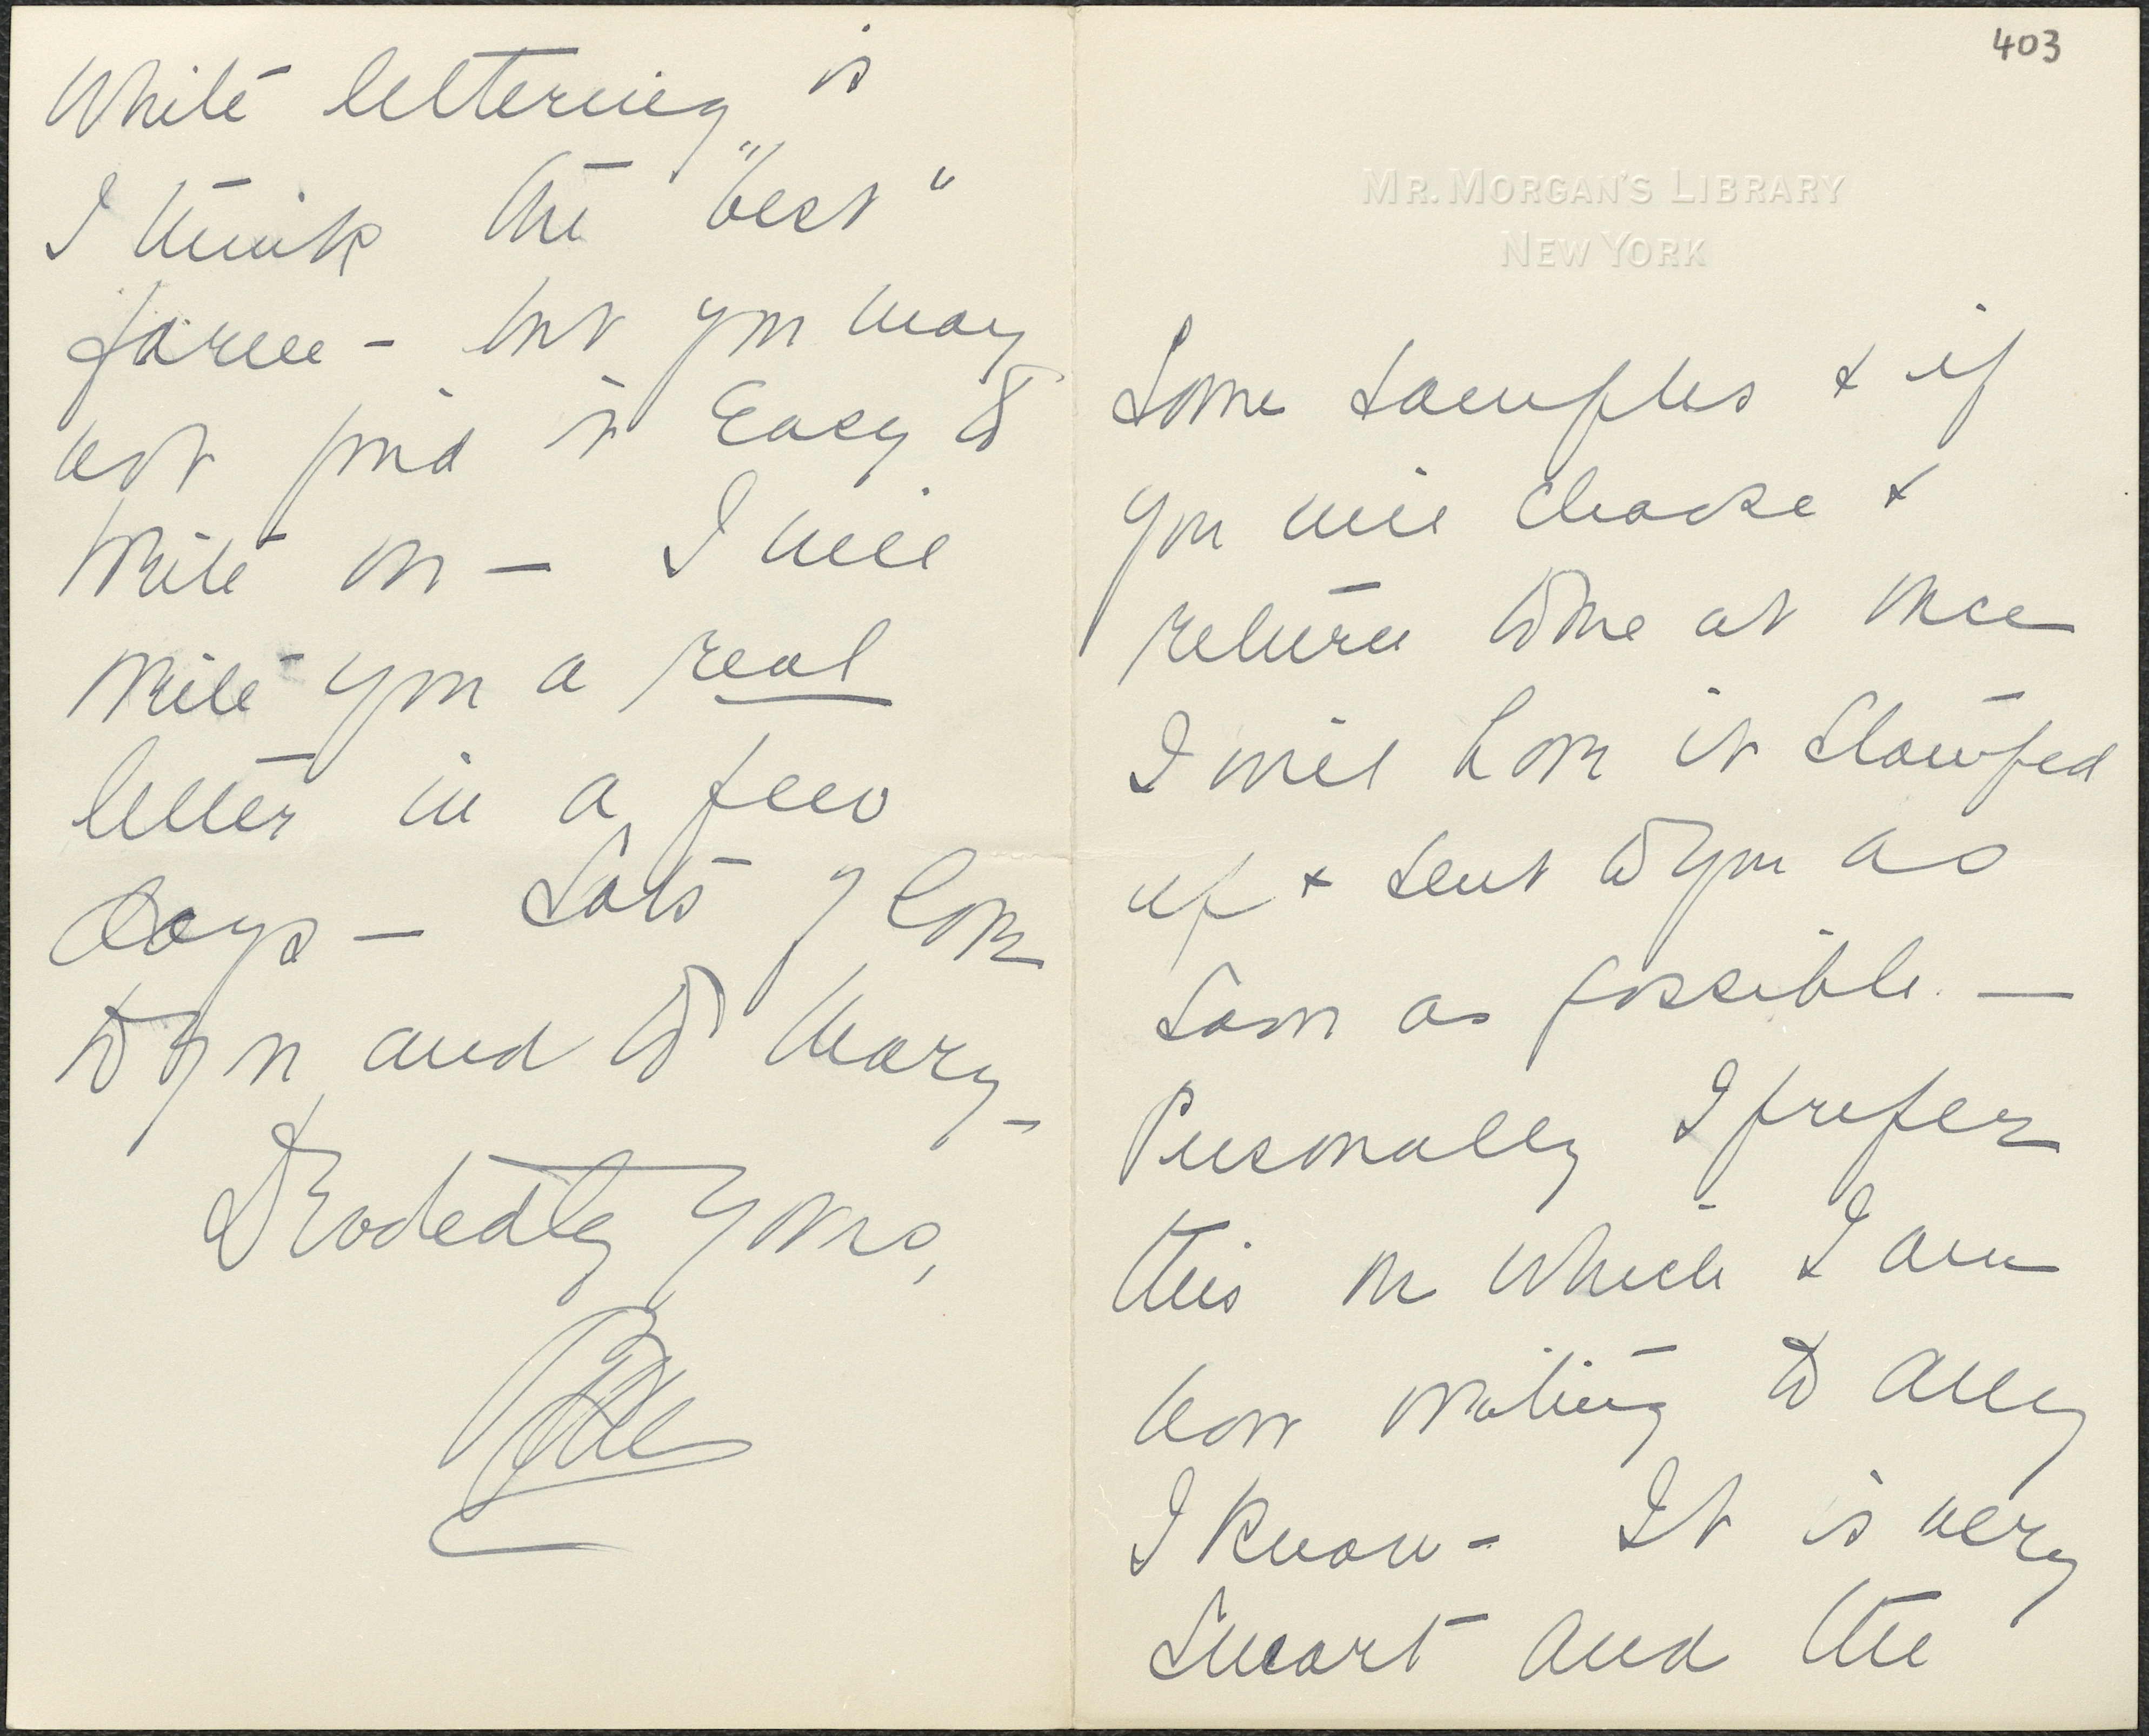some samples & if you will choose & return to me at once I will have it stamped up & sent to you as soon as possible – Personally I prefer this on which I am now writing to any I know – It is very smart and the
white lettering is I think the “best” form – but you may not find it easy to write on – I will write you a real letter in a few days – Lots of love to you and to Mary –
Devotedly yours,
Belle